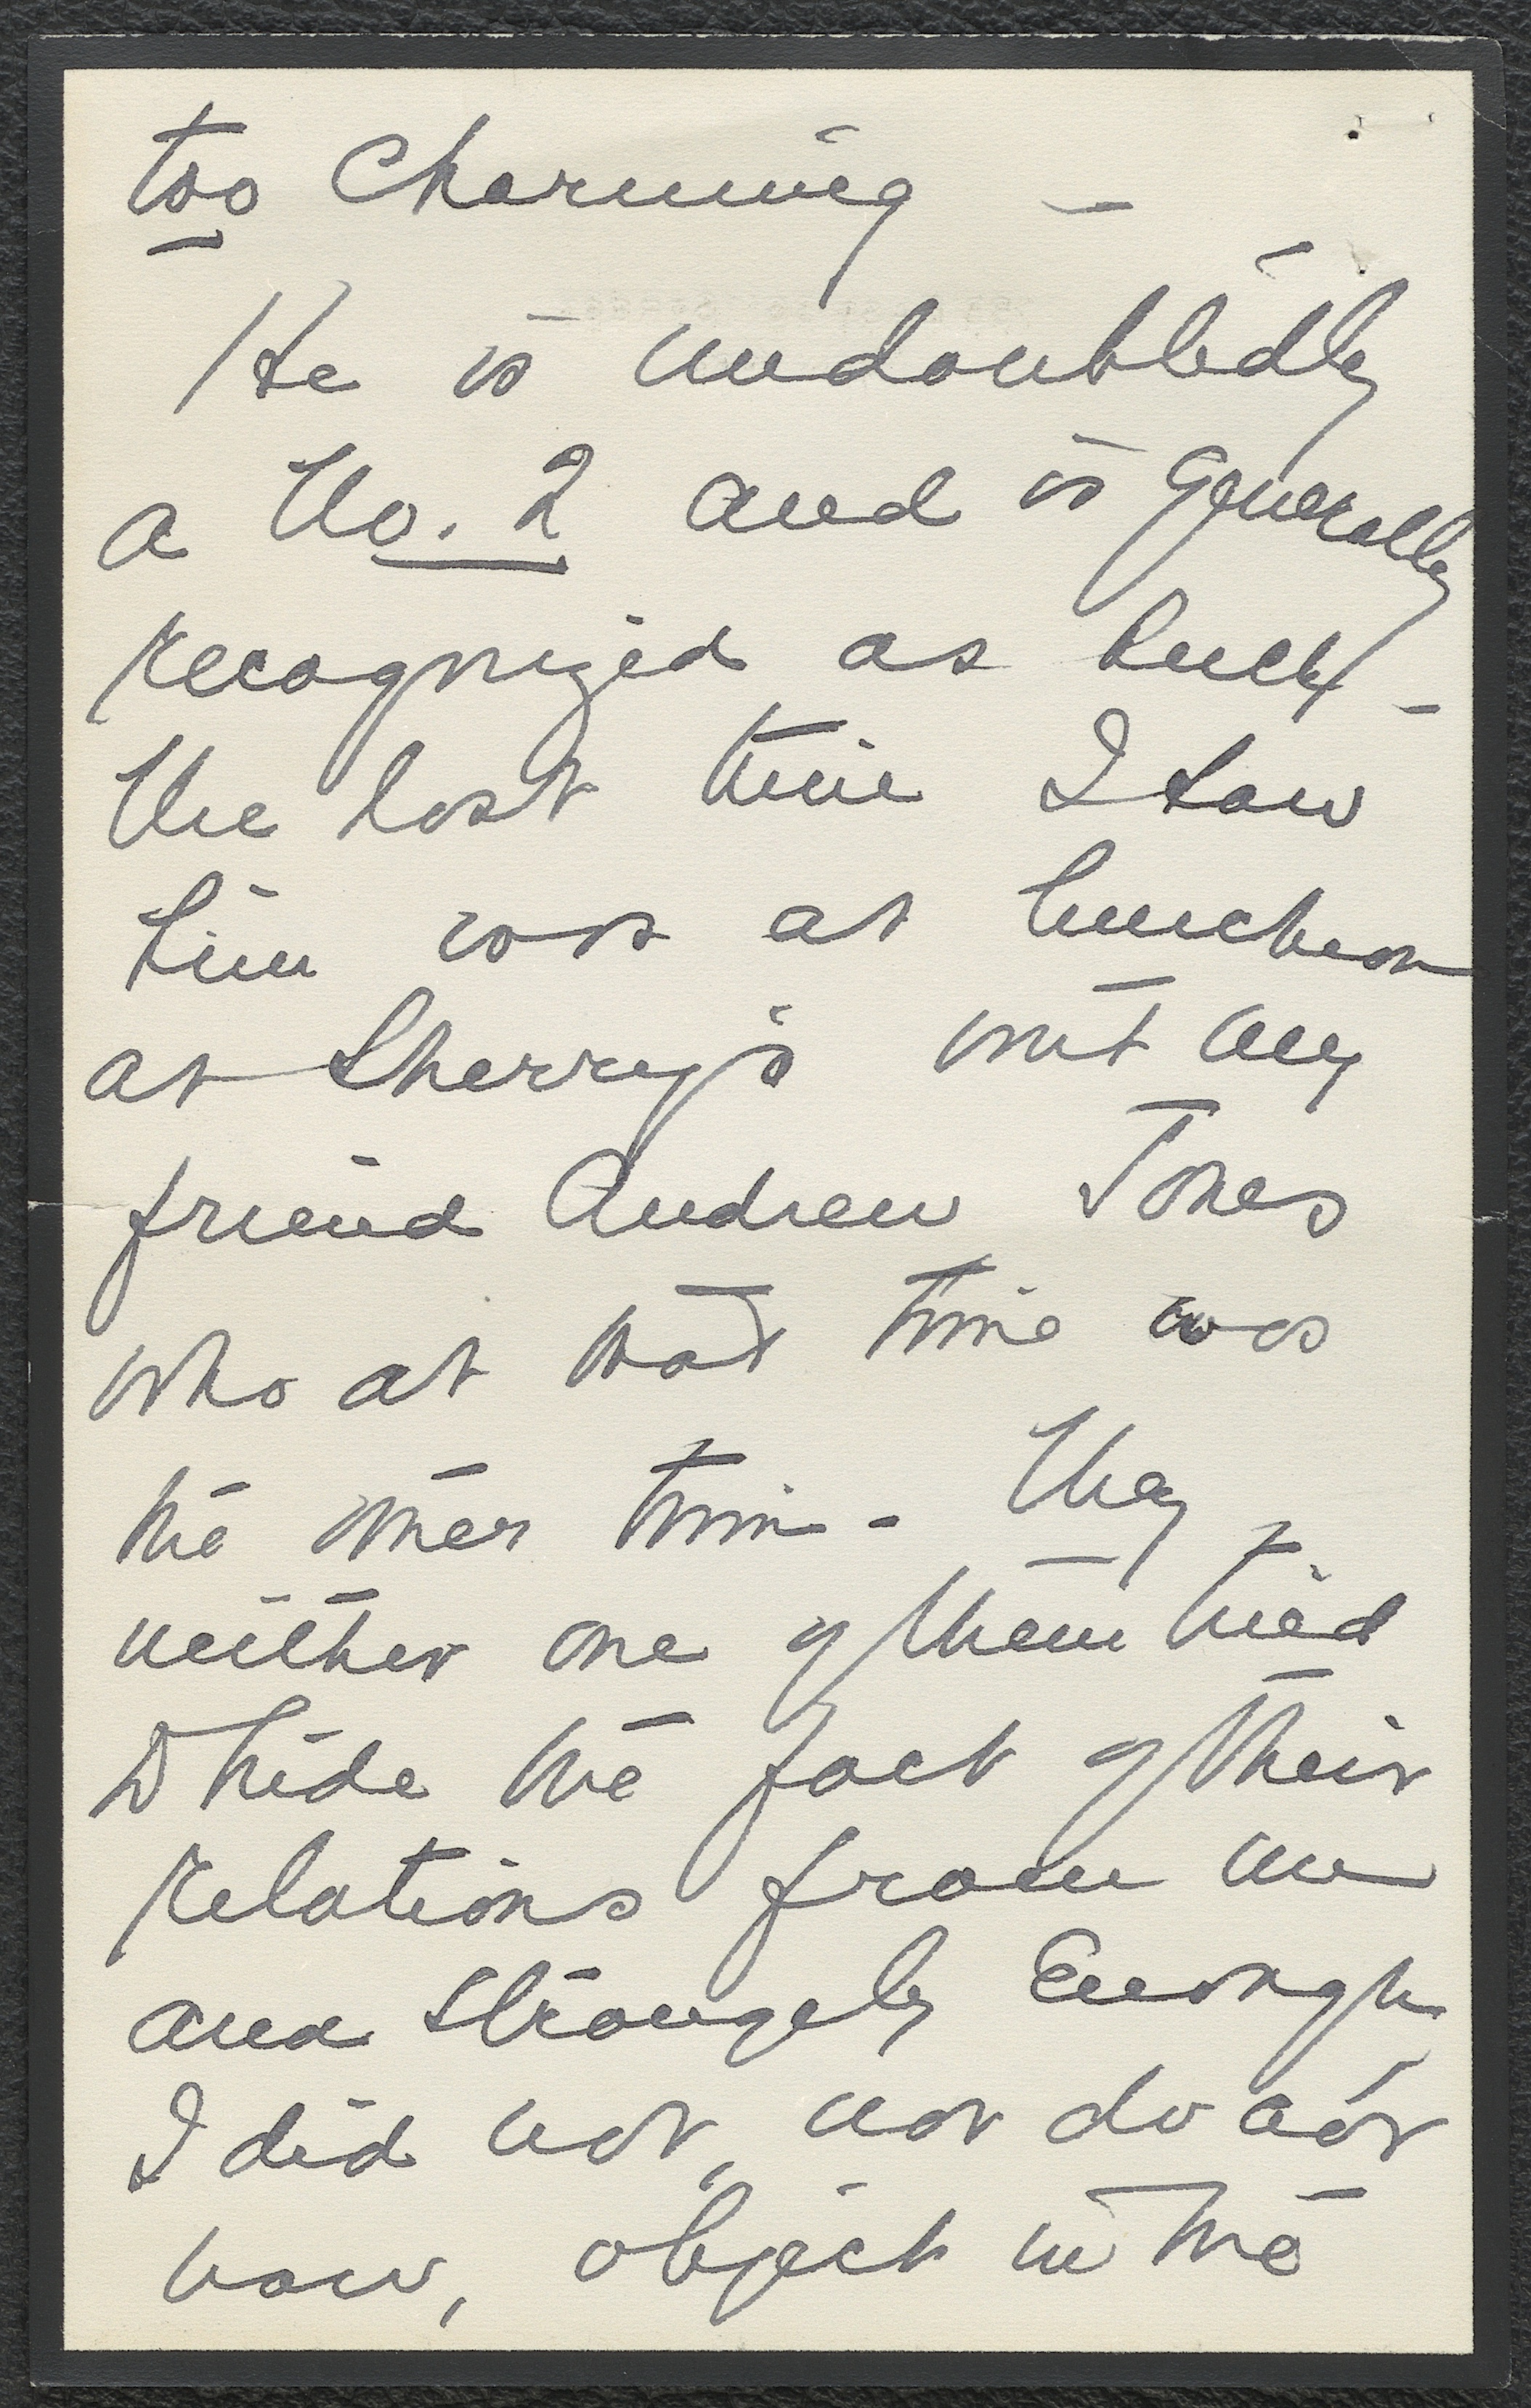too charming –
He is undoubtedly a No. 2 and is generally recognized as such –
The last time I saw him was at luncheon at Sherry’s but my friend Andrew Jones who at that time was the other time – they neither one of them tried to hide the fact of their relations from me and strangely enough I did not, nor do not now, object in the